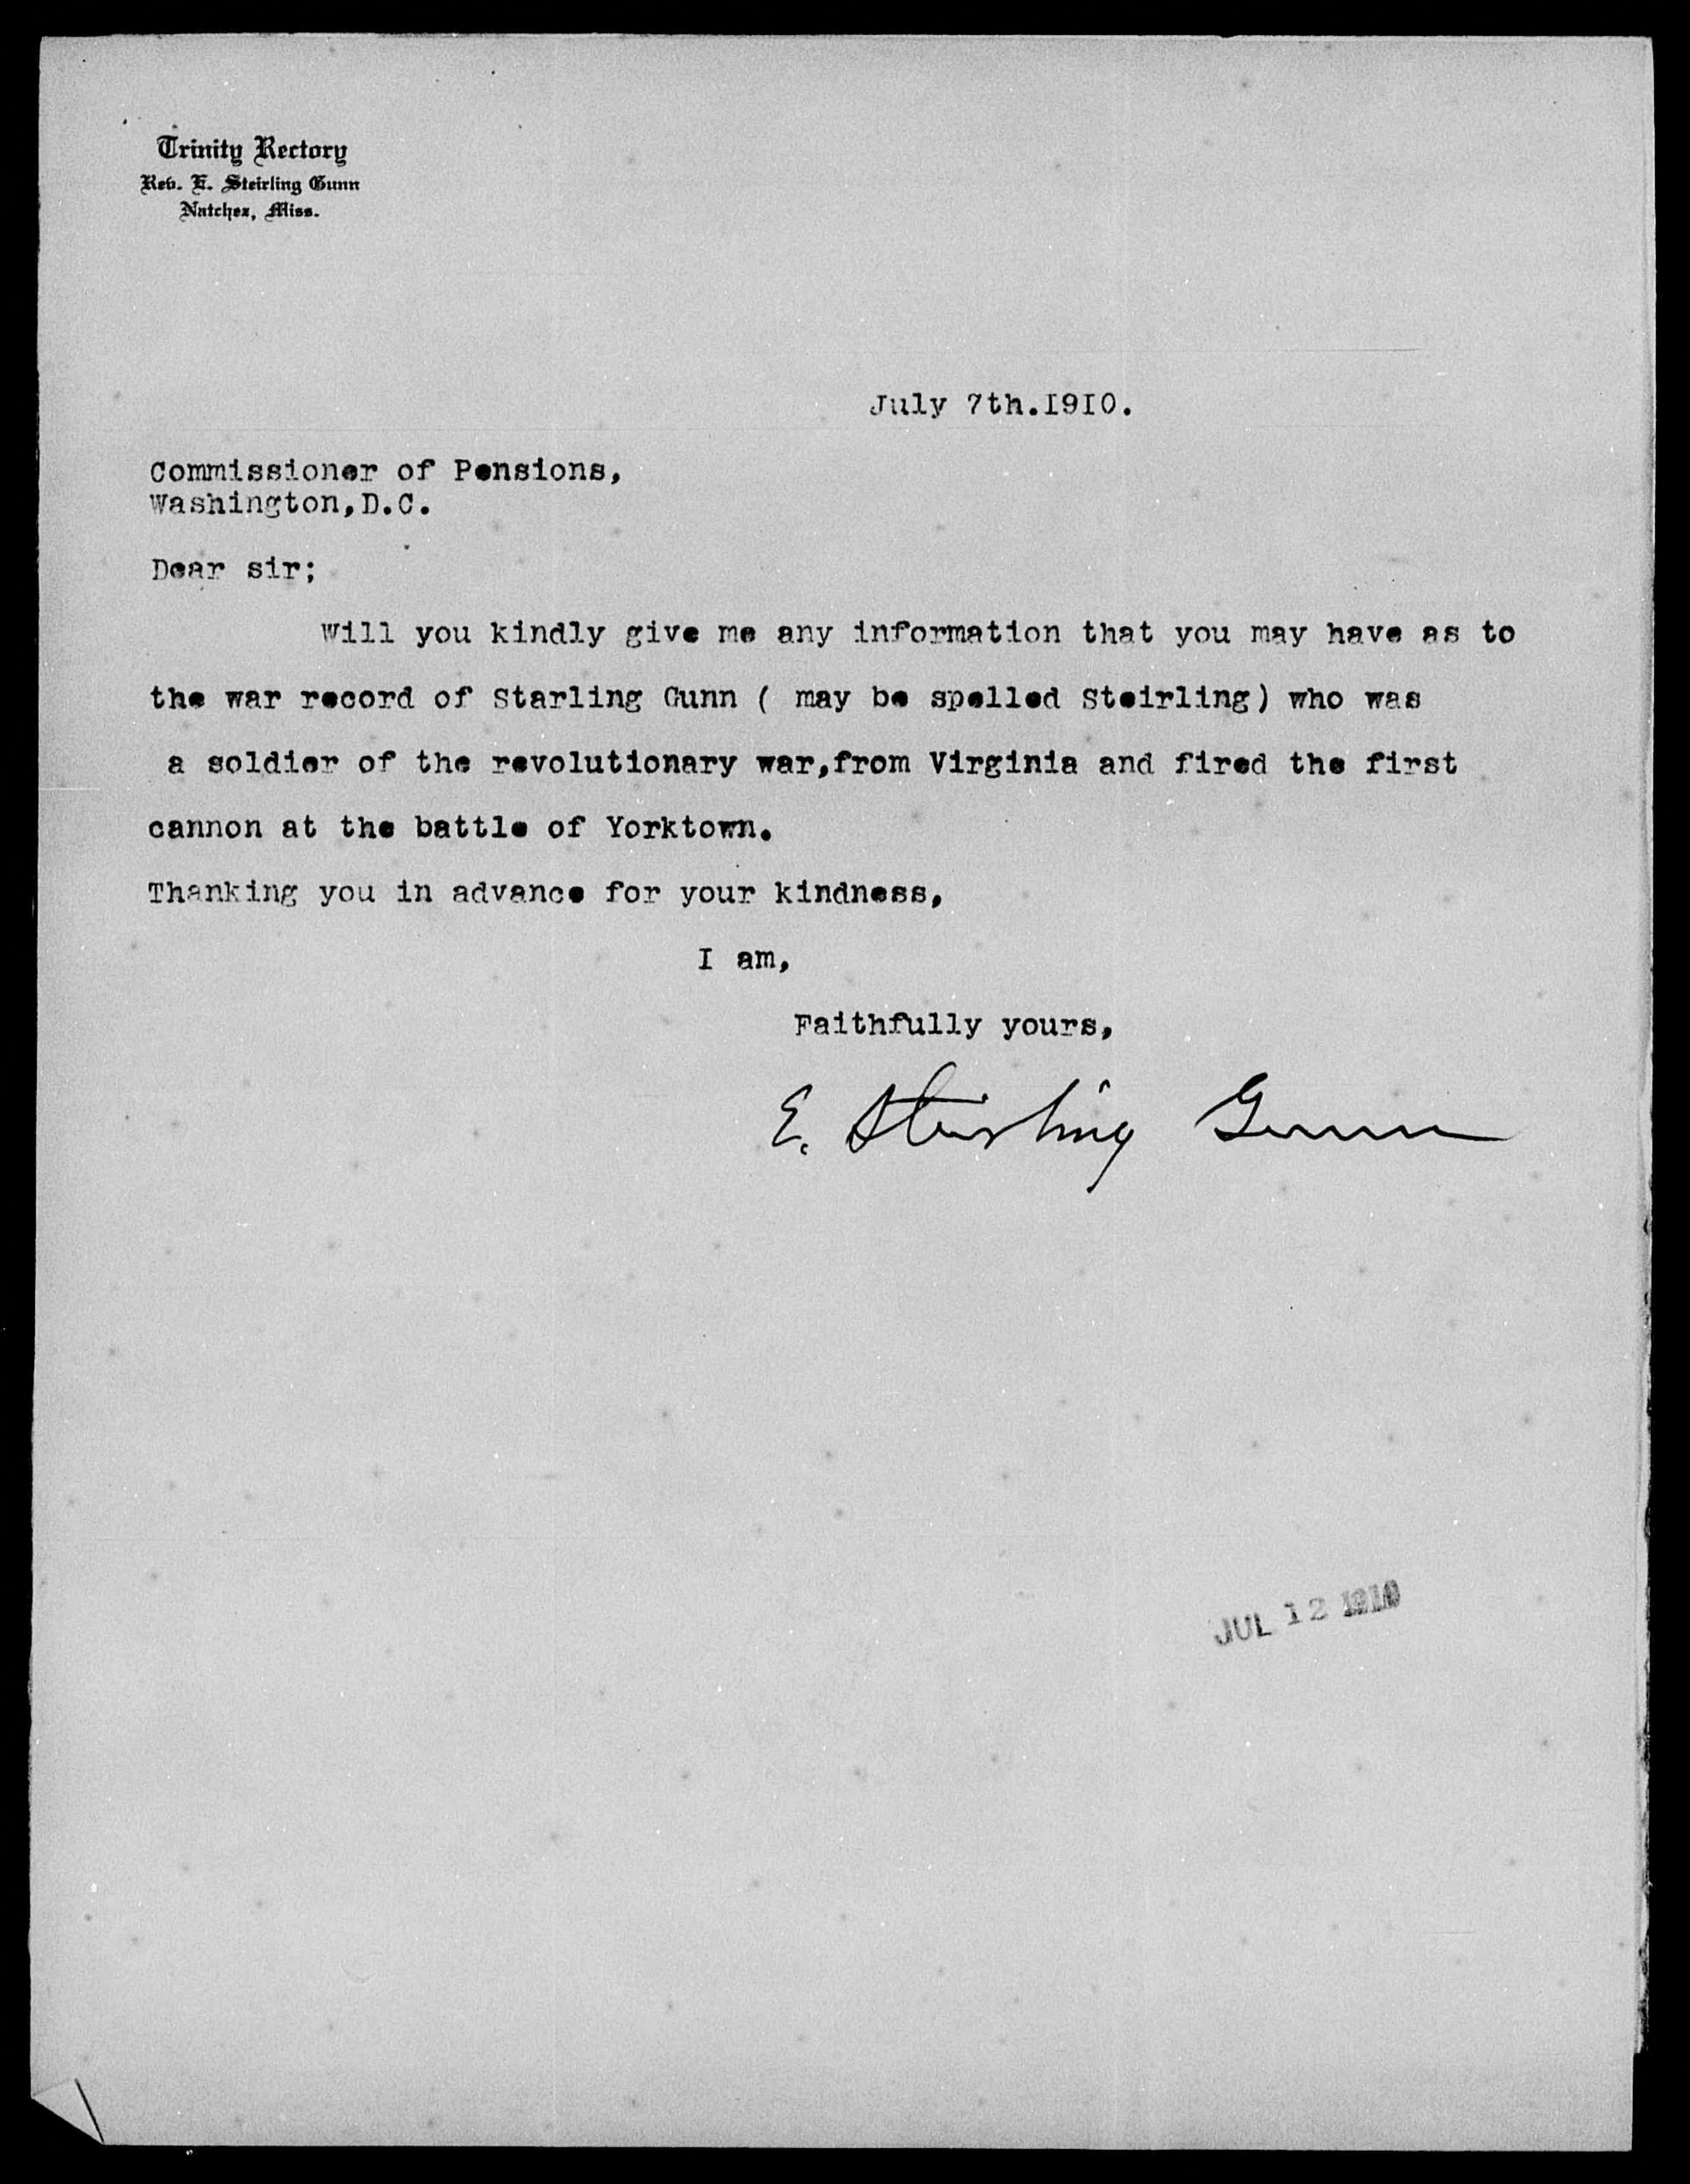Trinity Rectory  
Rev. E. Sterling Gunn  
Natchez, Miss.  
July 7th. I9I0.
Commissioner of Pensions, 
Washington, D.C.
Dear sir; Will you kindly give me any information that you may have on the war record of Starling Gunn (may be spelled Steirling) who was a soldier of the revolutionary war, from Virginia and fired the first cannon at the battle of Yorktown.
thanking you in advance for your kindness,
I am, Faithfully yours,
E. Steirling Gunn

[Stamp:] JUL 12  1910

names: E Steirling Gunn, Steirling, E Steirling Gunn, Starling Gunn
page: 52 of 58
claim: survivor's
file: S. 6,941, Starling Gunn, Continental Va.